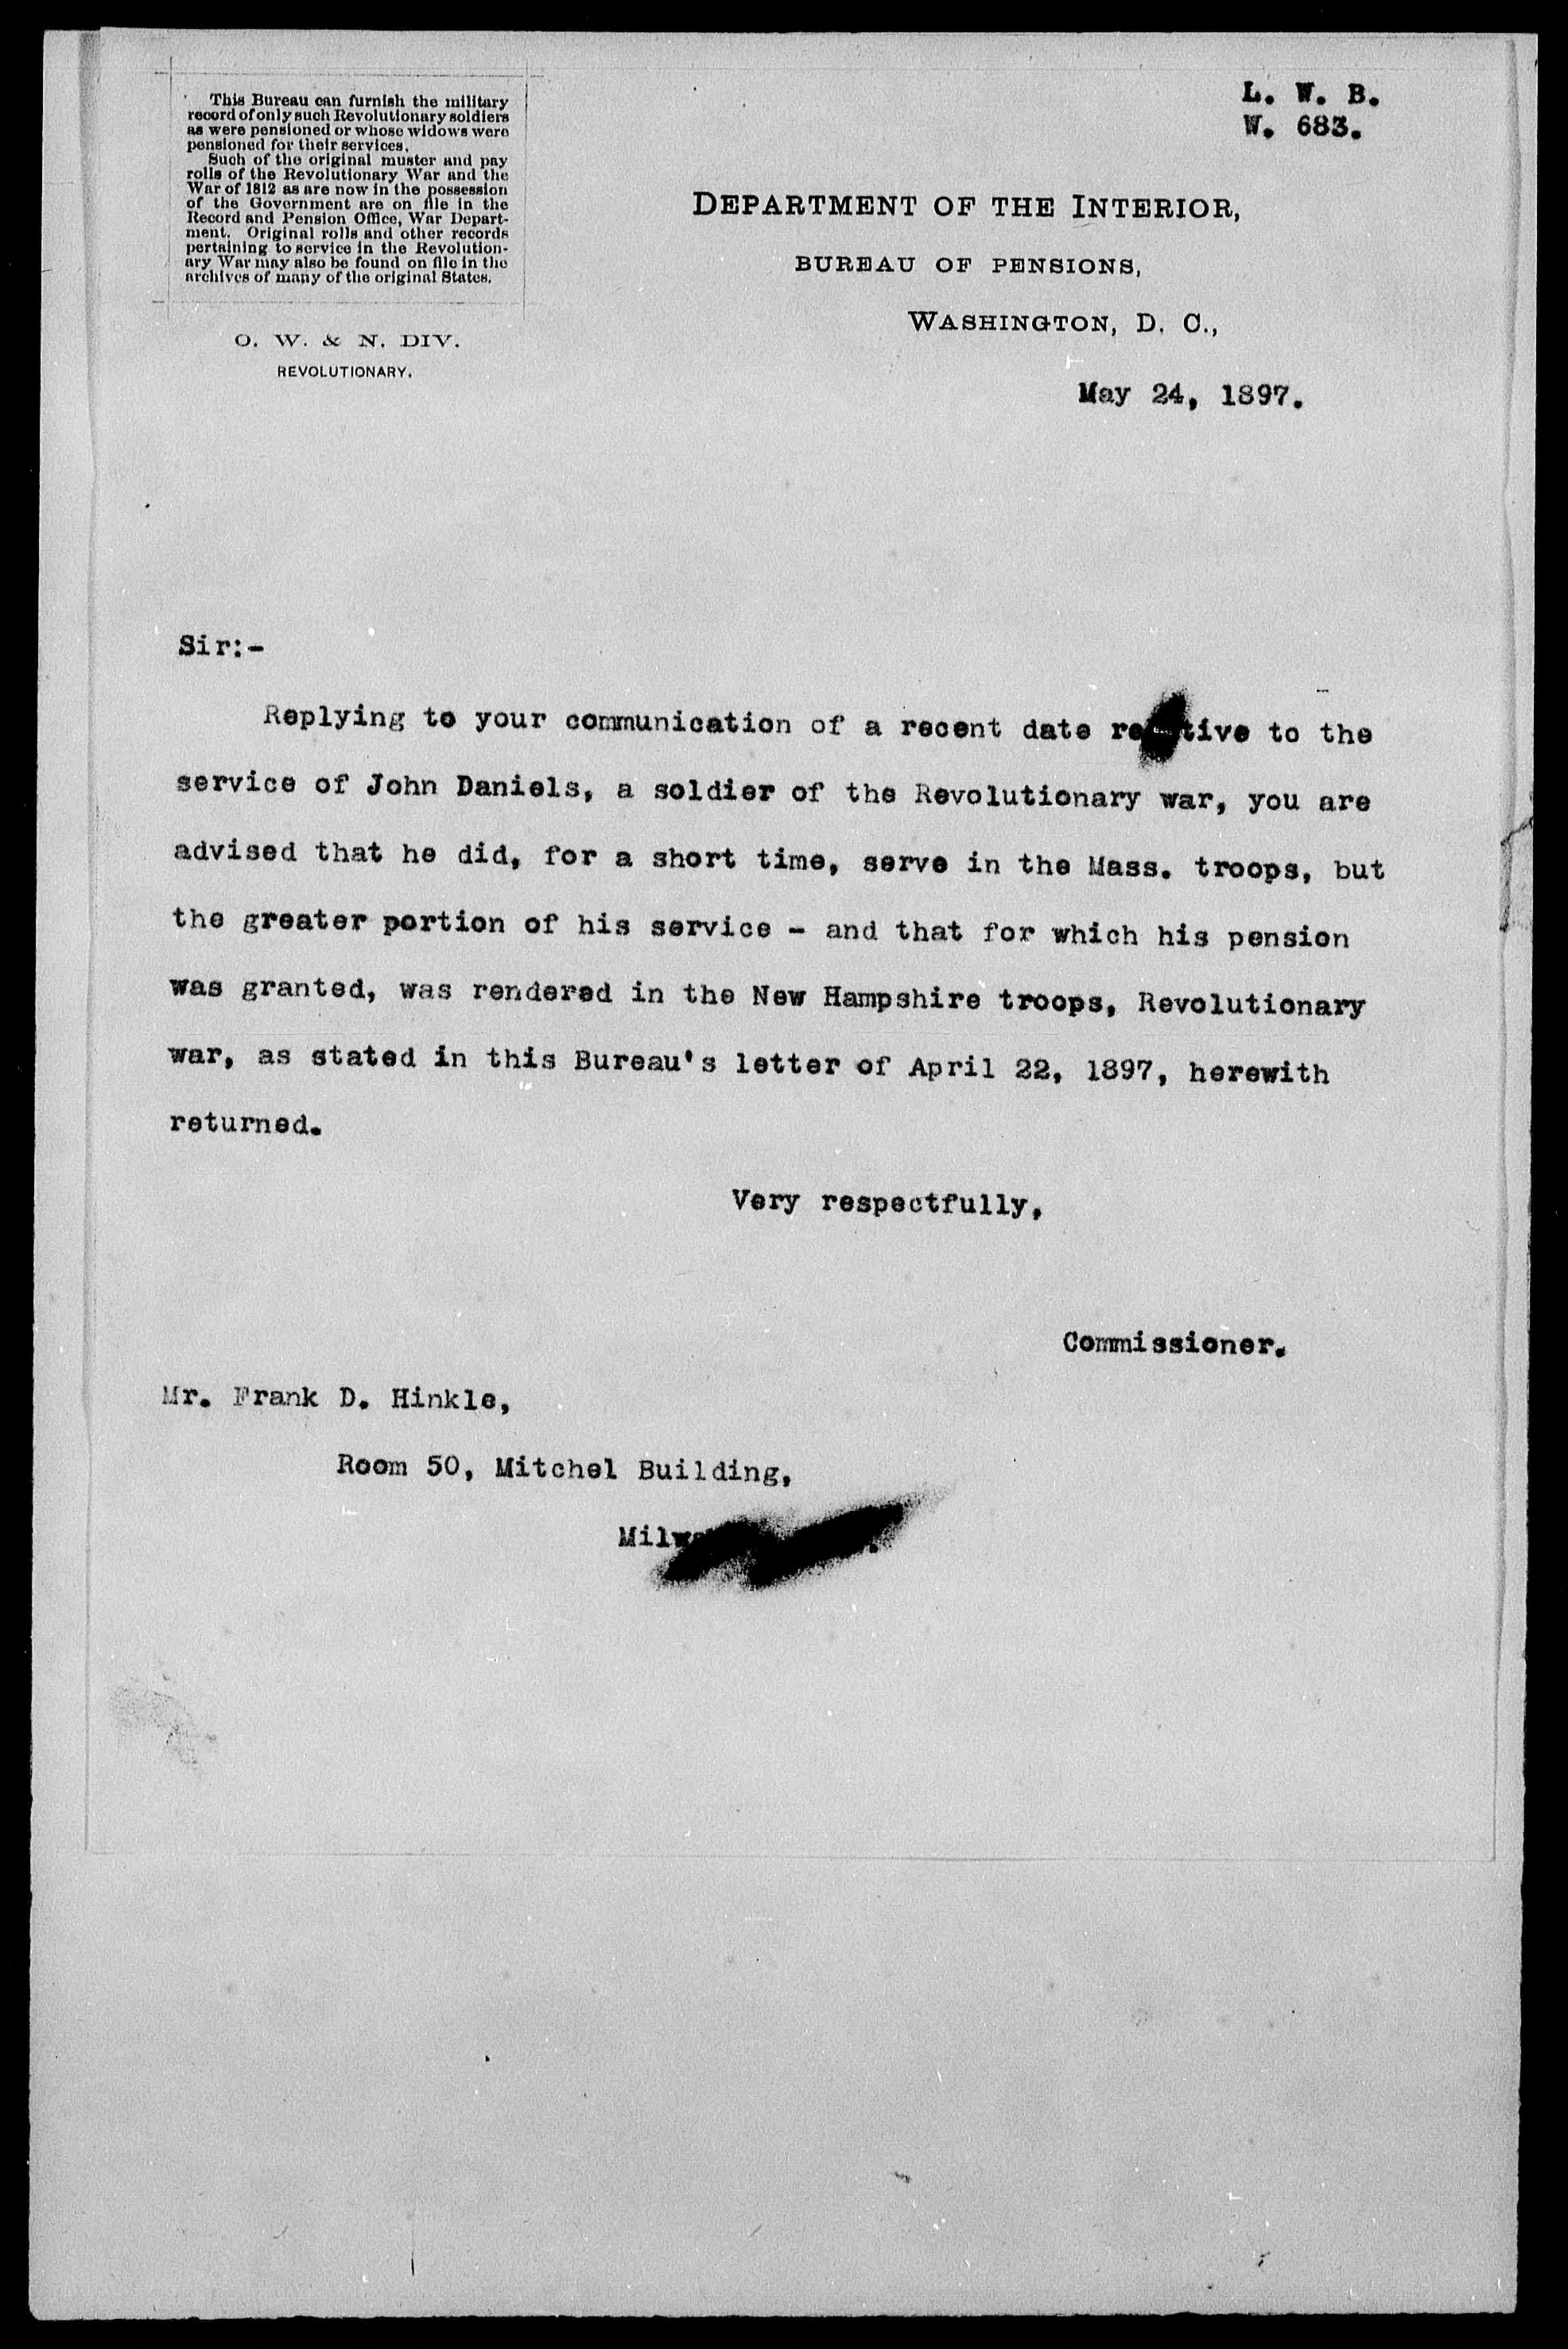This Bureau can furnish the military records of only such Revolutionary soldiers as were pensioned or whose widows were pensioned for their service.
Such of the original muster and pay rolls of the Revolutionary War and the War of 1812 as are now in the possession of the Government are on file in the Record and Pension Office, War Department.  Original rolls and other records pertaining to service in the Revolutionary War may also be found on file in the archives of many States.
O. W. & N. DIV.
REVOLUTIONARY

[on right] L.W.B.
W. 683.

DEPARTMENT OF THE INTERIOR,
BUREAU OF PENSIONS,
WASHINGTON, D.C.,

May 24, 1897.

Sir: - Replying to your request for communication of a recent date relative to the service of John Daniels, a soldier of the Revolutionary War, you are advised that he did, for a short time, serve in the Mass. troops, but the greater portion of his service -- and that for which his pension was granted, was rendered in the New Hampshire troops, Revolutionary war, as stated in this Bureau's letter of April 22, 1897, herewith returned..
Very Respectfully,
[no signature]
Commissioner.

Mr. Frank D. Hinkle
Room 50, Mitchel Building
Milwaukee, Wis.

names: Frank D Hinkle, John Daniels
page: 40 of 43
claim: widow's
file: W 683, John Daniels, Continental Mass. N.H.